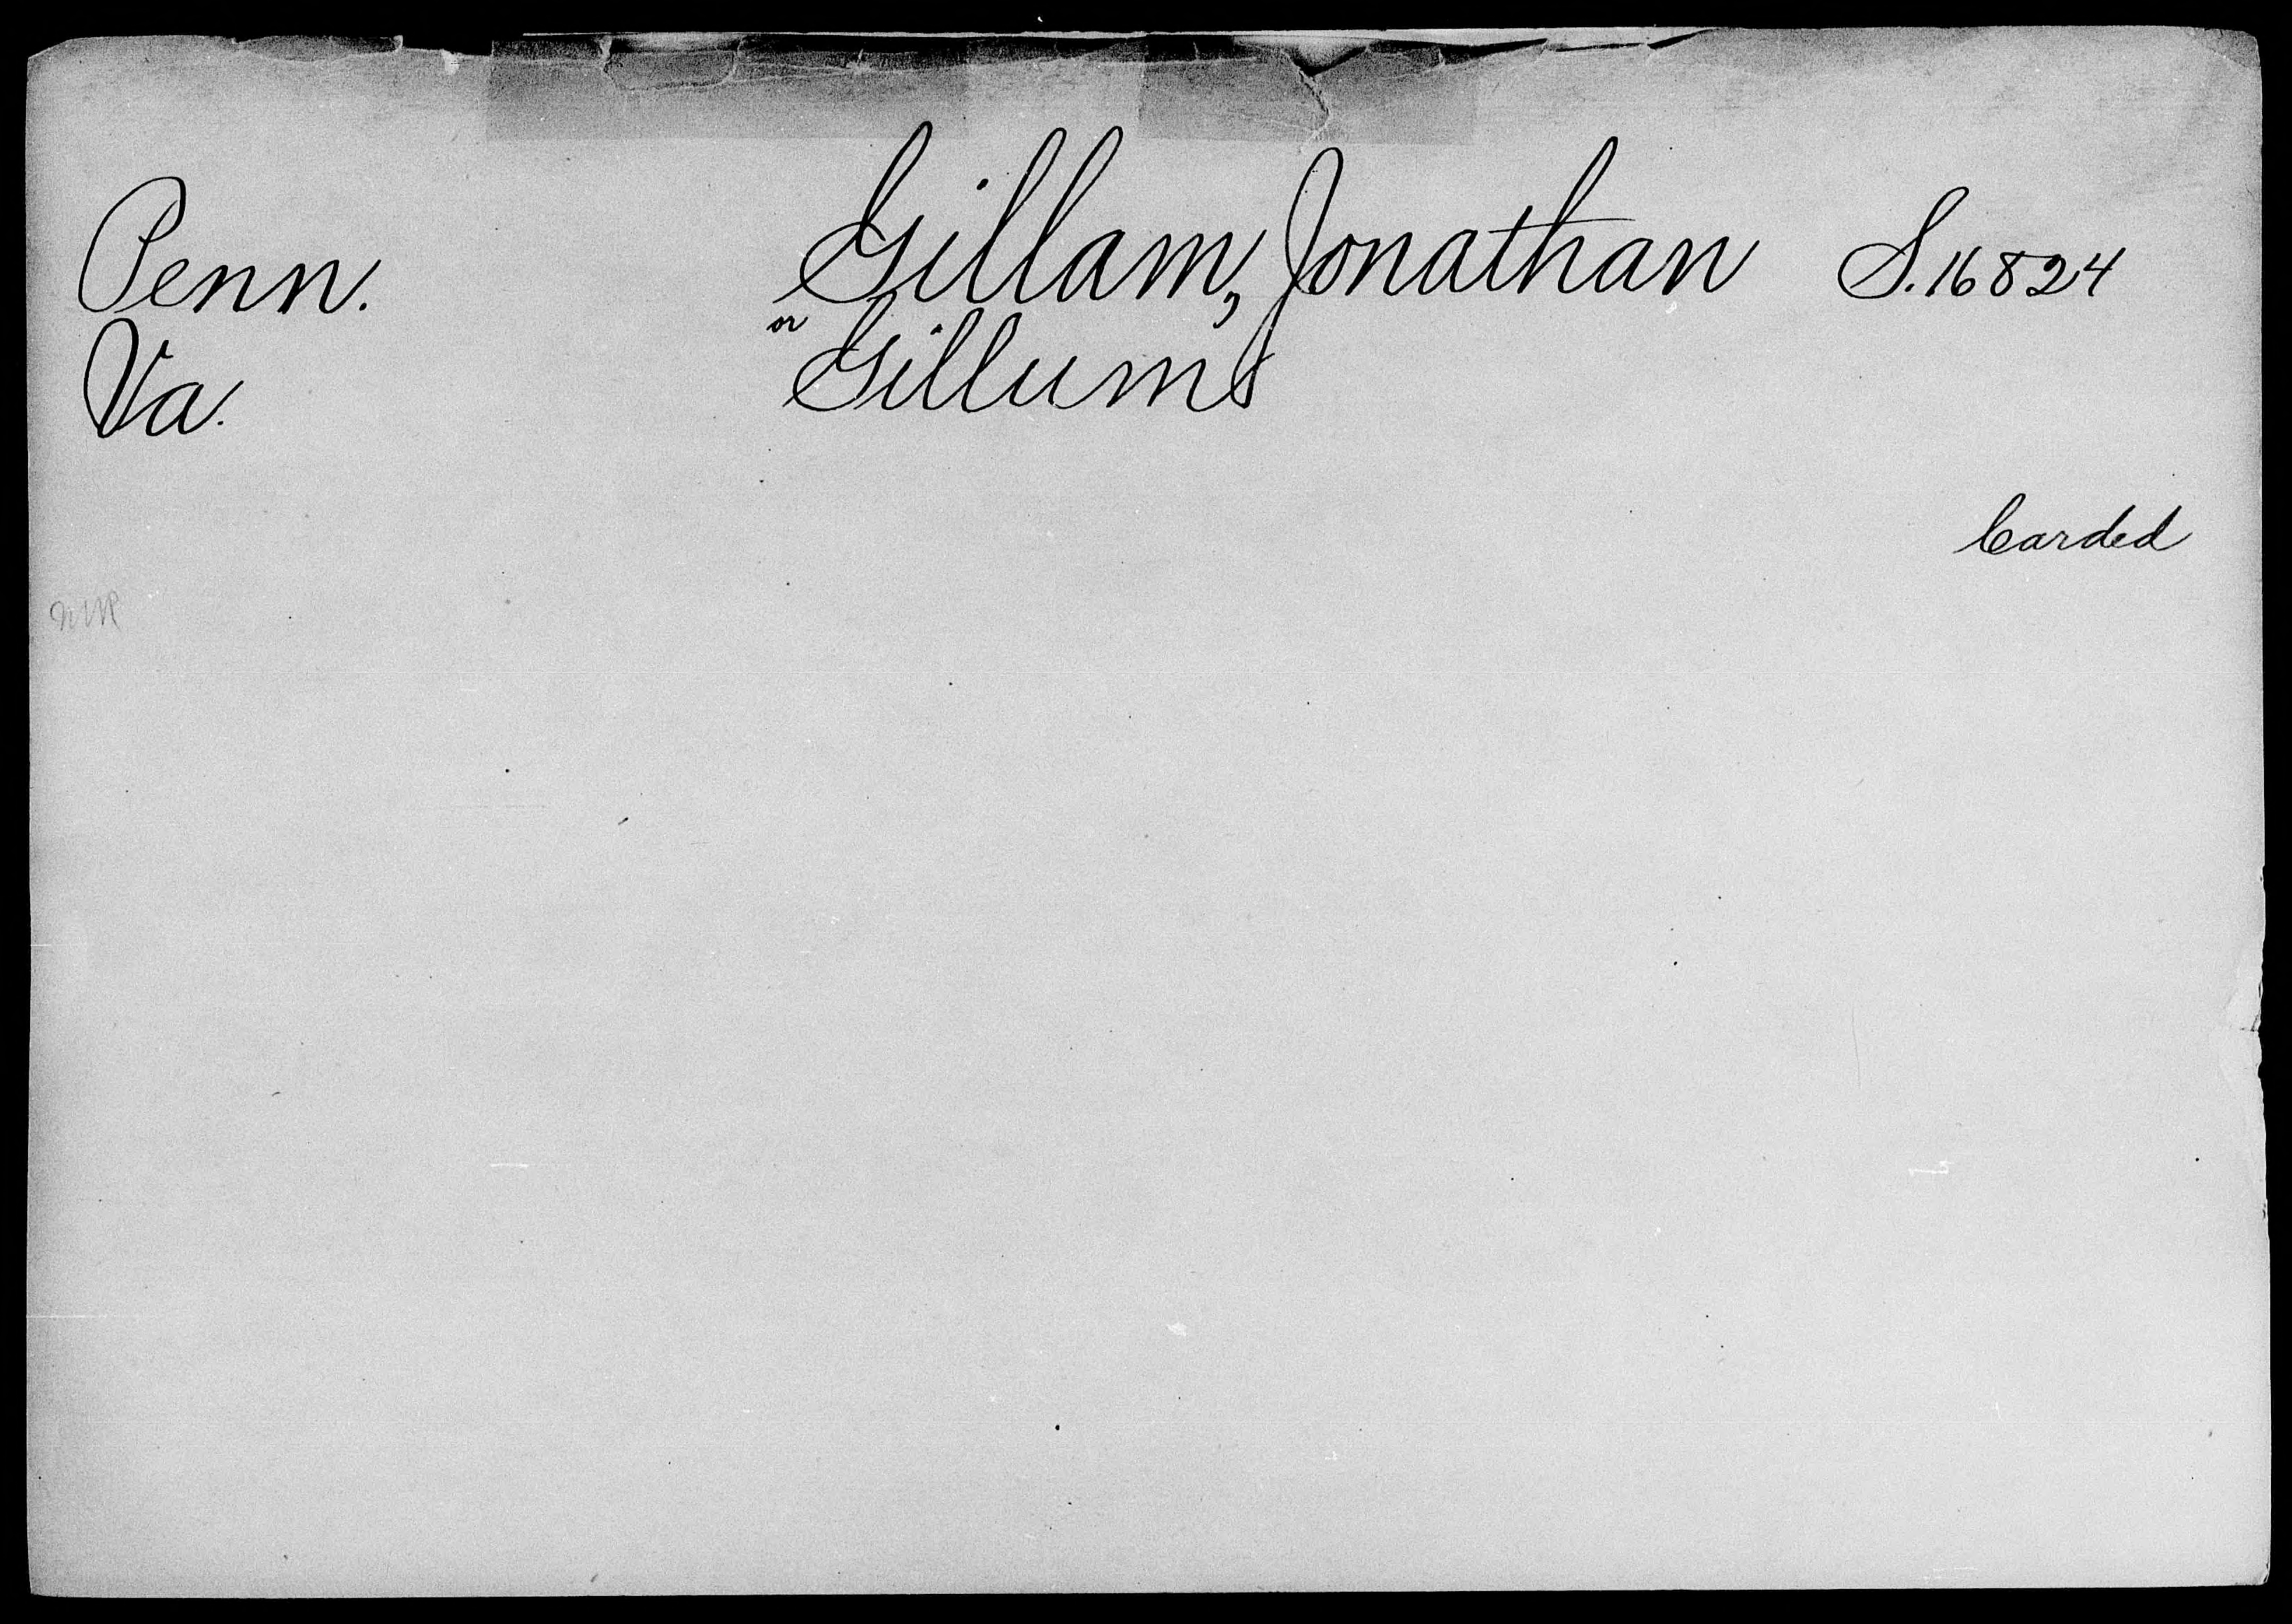Penn.
Va.
Gillam, Jonathan
Or Gillum
S.16824
Carded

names: Jonathan Gillum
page: 1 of 1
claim: survivor's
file: S. 16824, Jonathan Gillam, Penn. Va.